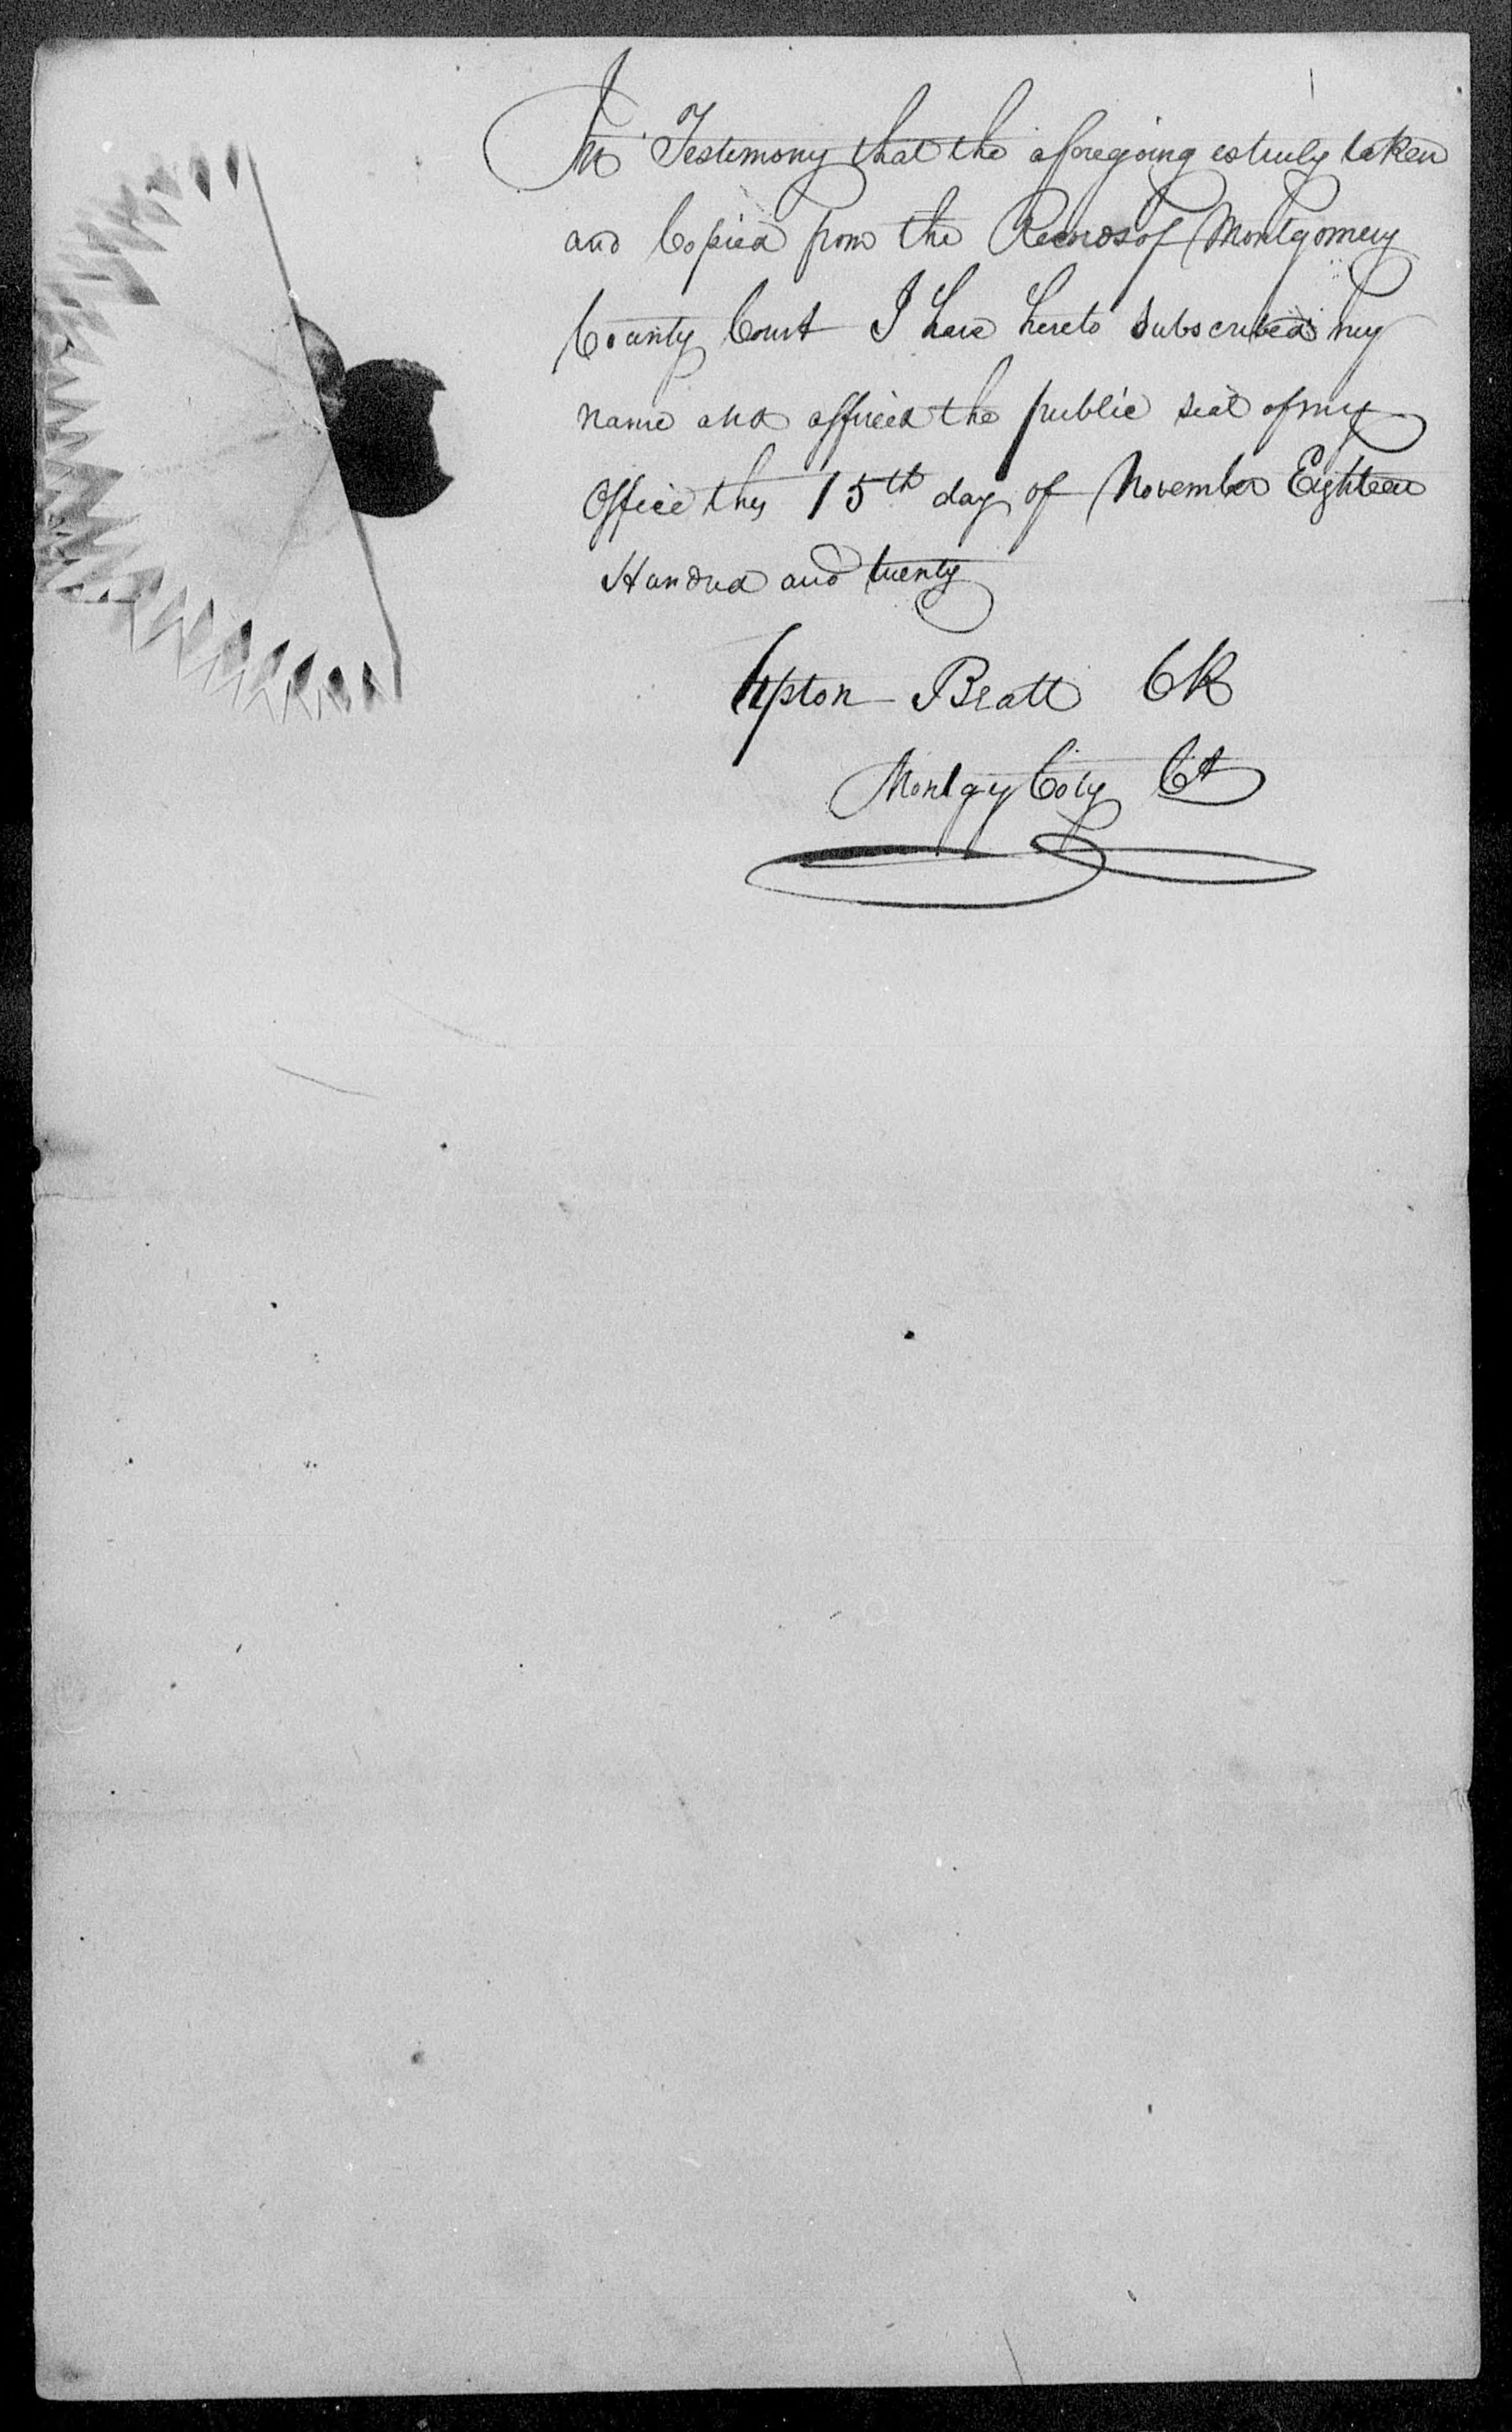In Testimony that the aforegoing estruly taken and Copied from the Records of Montgomery County Court I have hereto subscribed my name and affixed the public seal of my office this 15th day of November Eighteen Hundred and twenty
Tipton Beall Ck
Montfy Coty Ct.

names: Upton Beall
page: 7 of 47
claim: widow's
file: W. 25384, James Campbell, Va.